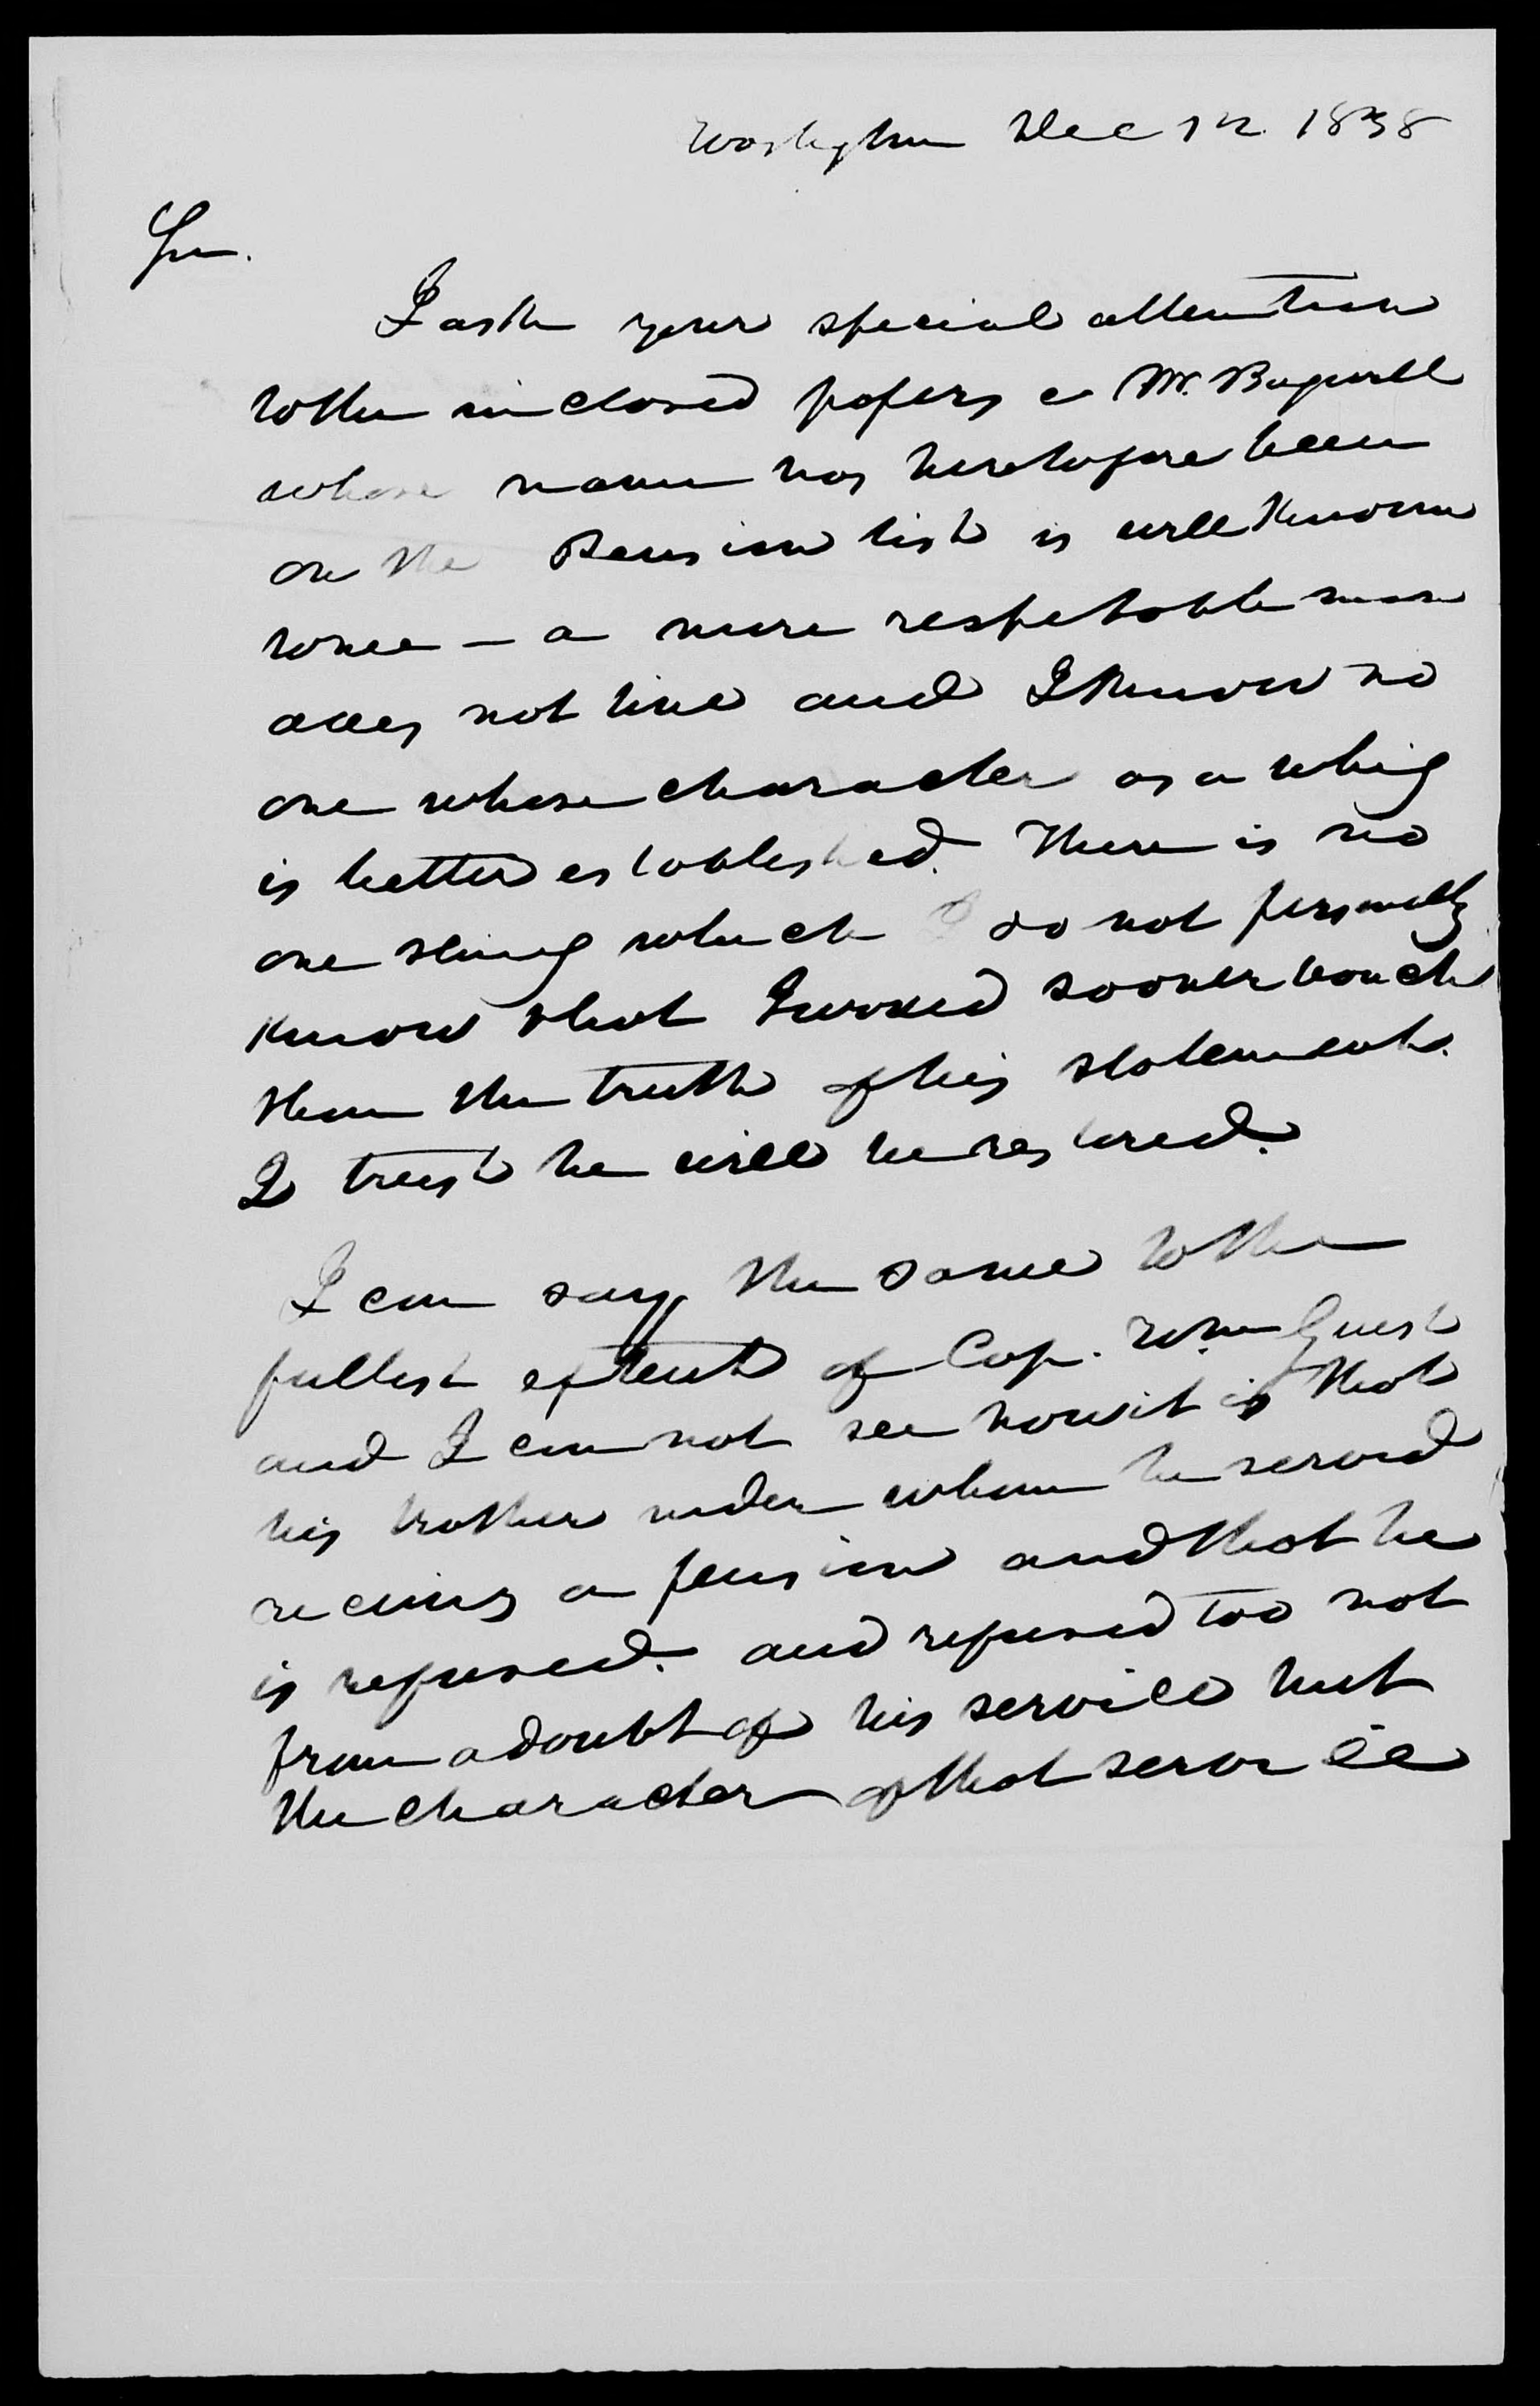Washington Dec 12 1838
[  ]
I ask your special attention
to the enclosed papers [  ] Mr. Bagwell
whose name was heretofore been
on the pension list is well known
some a more respectable man
and not live and I know no
one whose character as a whig
is better established. There is no
one thing which do not personally
know that [  ]
sooner [  ]
than the truth of his
statement
I trust he will be restored.
I can say with
the same
fullest extent 

of Cap
Wm. Guest
and I cannot
see how it is that
his brother under whom
he served
receives a pension and that he
is refused and refused to
not
from a doubt of his service but the
character that service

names: Bagwell, Wm Guest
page: 22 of 36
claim: survivor's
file: S 6571, John Bagwell, N.C.